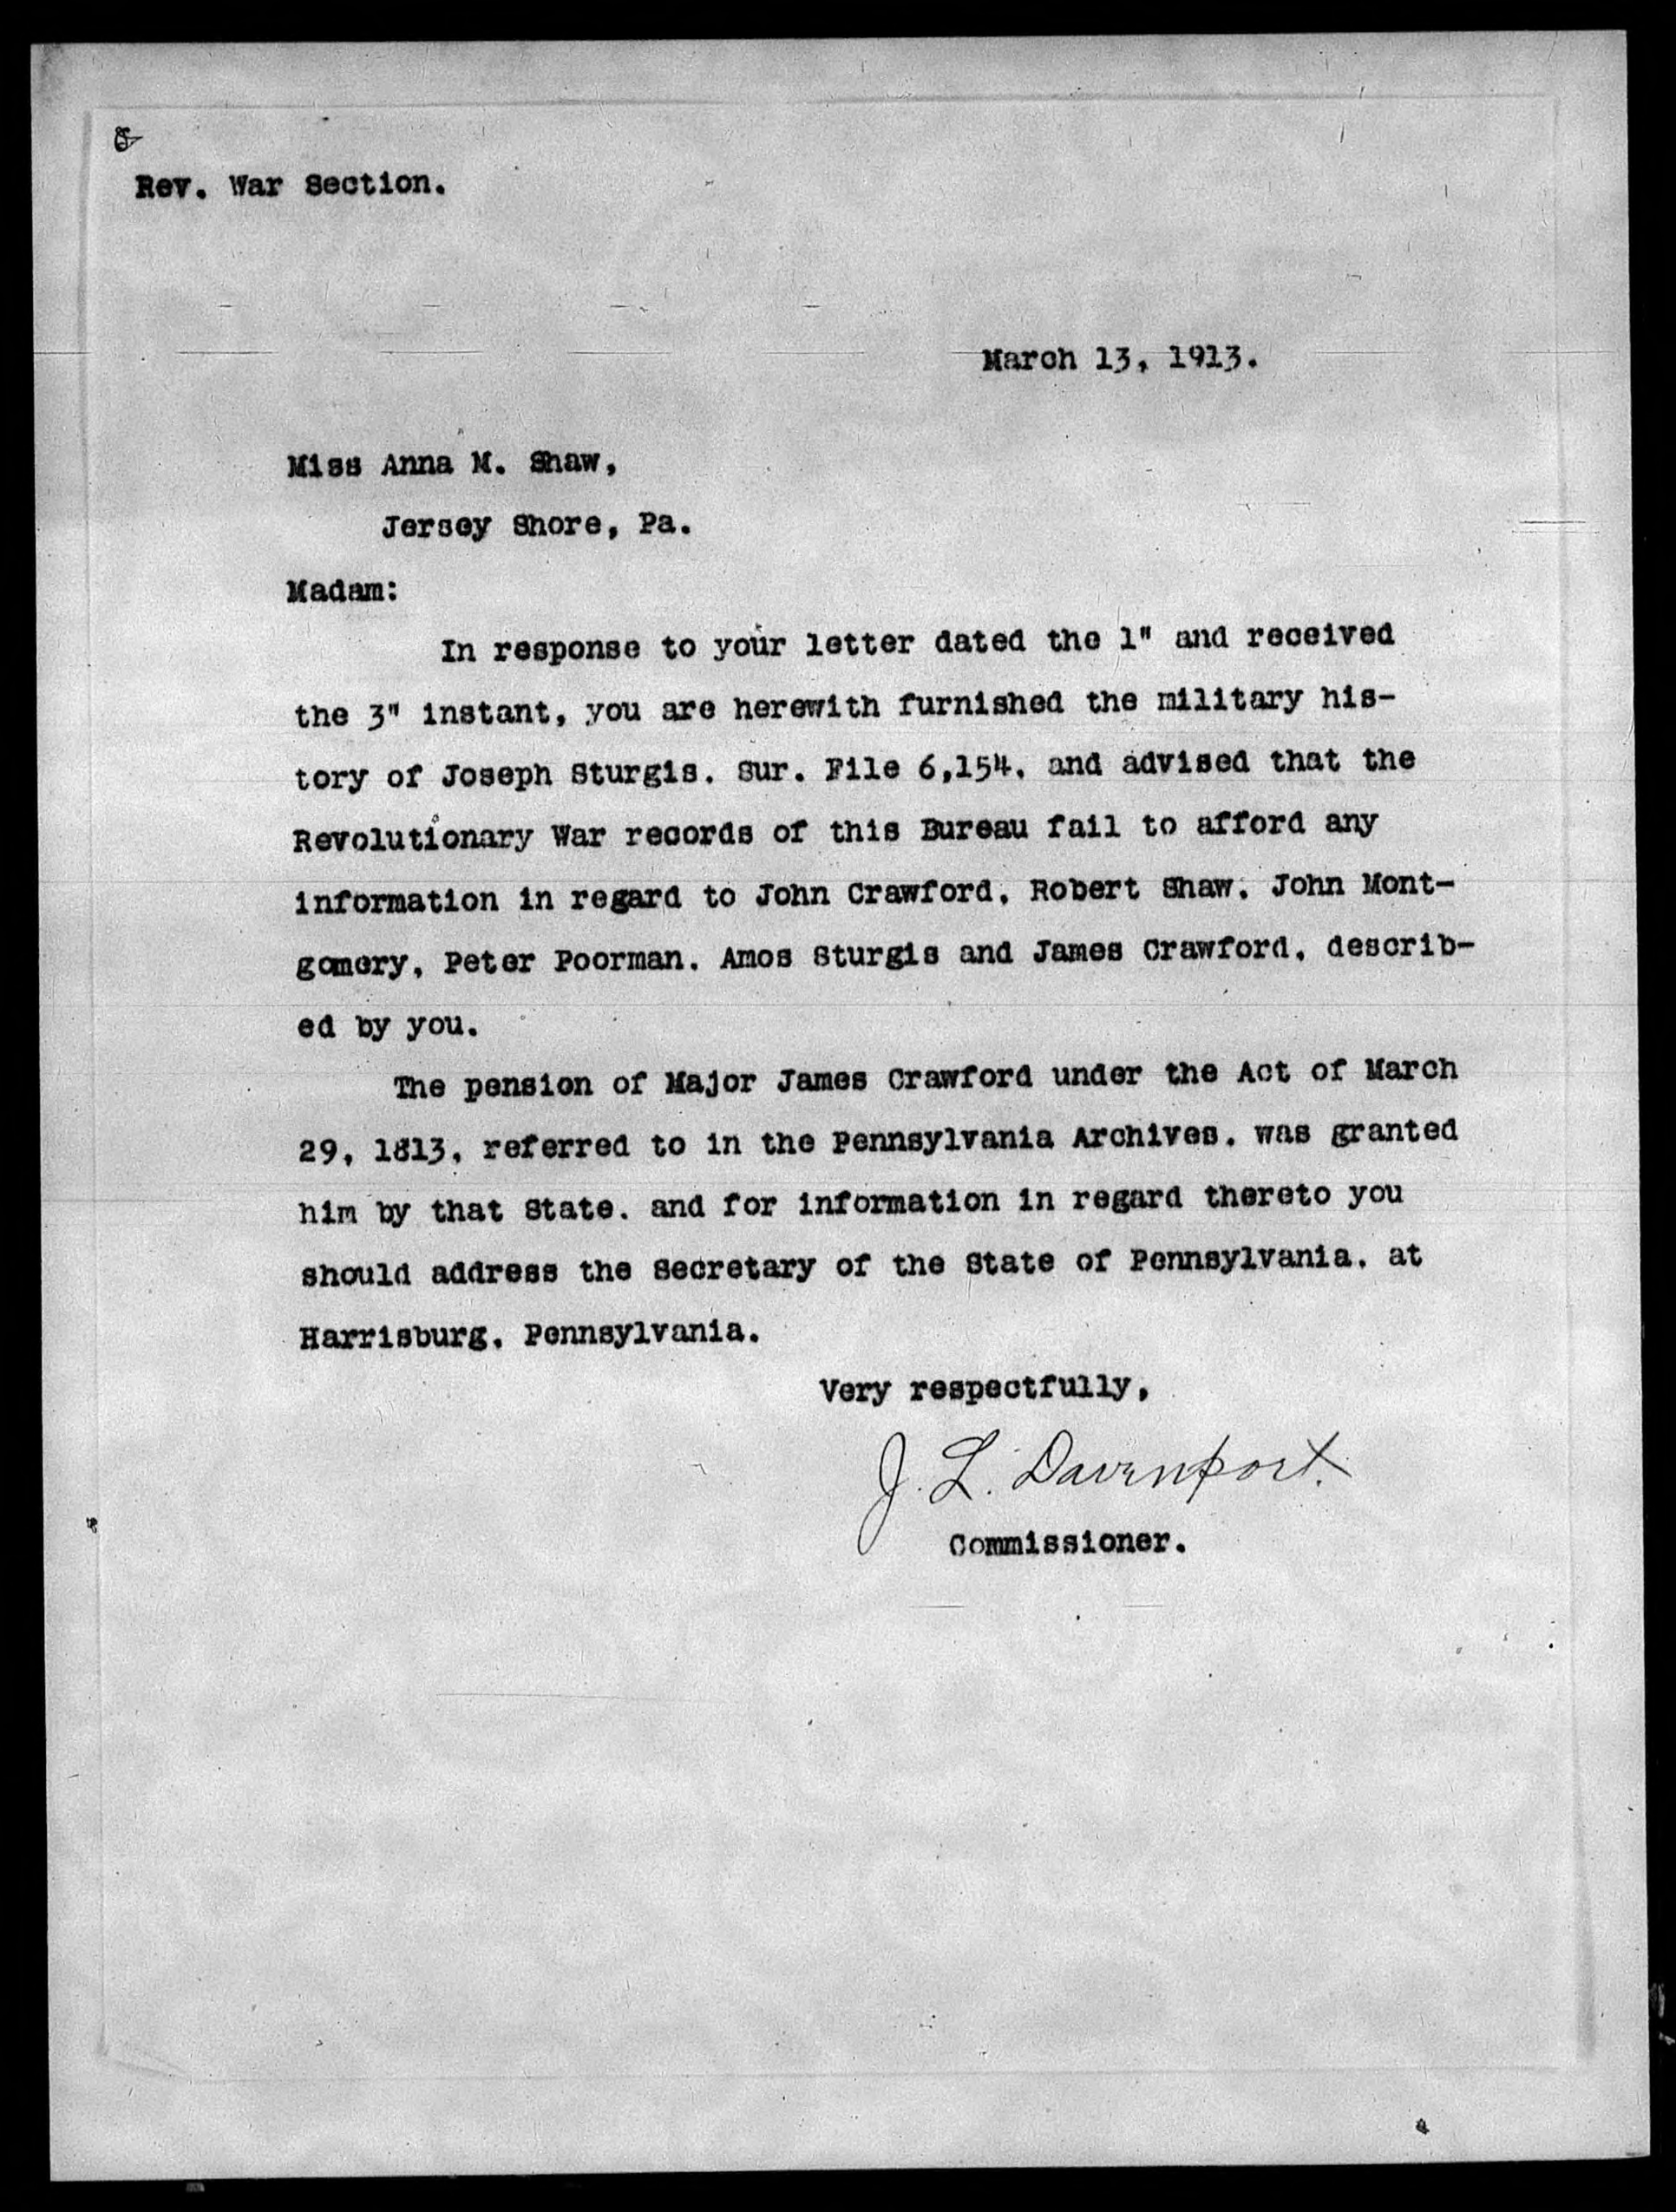Rev War Section.    
March 13, 1913.   
Miss Anna M. Shaw,          
Jersey Shore, Pa.          
Madam:    
In response to your letter dated the 1"" and received the 3d instant, you are herewith furnished the military history of Joseph Sturgis, Sur. File 6,154, and advised that the Revolutionary War records of this Bureau fail to afford any information in regard to John Crawford, Robert Shaw, John Montgomery, Peter Poorman, Amos Sturgis and James Crawford, described by you.  
The pension of Major James Crawford under the Act of March 29, 1813, referred to in the Pennsylvania Archives, was granted him by that state, and for information in regard thereto you should address the Secretary of the State of Pennsylvania, at Harrisburg, Pennsylvania.
Very respectfully,         
J.L. Davenport  
Commissioner.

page: 20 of 31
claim: survivor's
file: S. 6154, for Joseph Sturgis, Pennsylvania